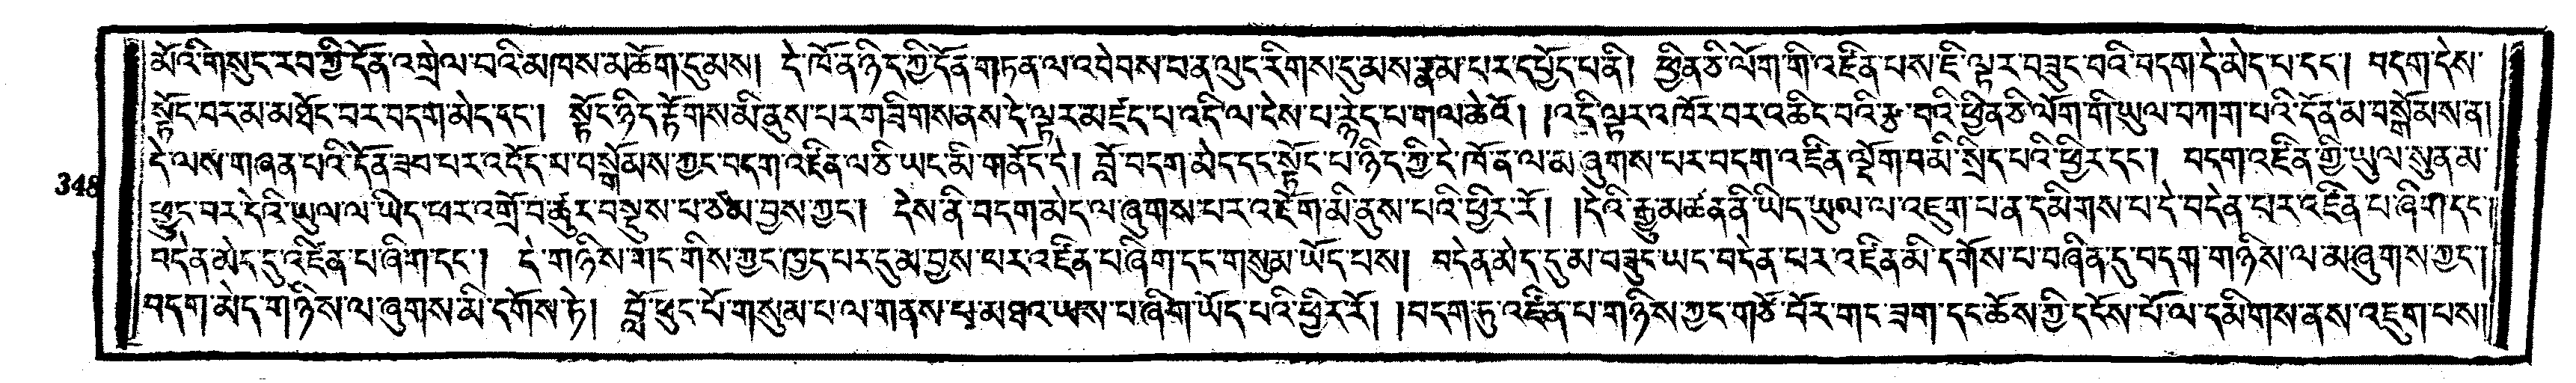མོའི་གསུང་རབ་ཀྱི་དོན་འགྲེལ་བའི་མཁས་མཆོག་དུ་མས། དེ་ཁོ་ན་ཉིད་ཀྱི་དོན་གཏན་ལ་འབེབས་པ་ན་ལུང་རིགས་དུ་མས་རྣམ་པར་དཔྱོད་པ་ནི། ཕྱིན་ཅི་ལོག་གི་འཛིན་པས་ཇི་ལྟར་བཟུང་བའི་བདག་དེ་མེད་པ་དང་། བདག་དེས་
སྟོད་བར་མ་མཐོང་བར་བདག་མེད་དང་། སྟོང་ཉིད་རྟོགས་མི་ནུས་པར་གཟིགས་ནས་དེ་ལྟར་མཛད་པ་འདི་ལ་ངེས་པ་རྙེད་པ་གལ་ཆེའོ། །འདི་ལྟར་འཁོར་བར་འཆིང་བའི་རྩ་བའི་ཕྱིན་ཅི་ལོག་གི་ཡུལ་བཀག་པའི་དོན་མ་བསྒོམས་ན།
དེ་ལས་གཞན་པའི་དོན་ཟབ་པར་འདོད་པ་བསྒོམས་ཀྱང་བདག་འཛིན་ལ་ཅི་ཡང་མི་གནོད་དེ། བློ་བདག་མེད་དང་སྟོང་པ་ཉིད་ཀྱི་དེ་ཁོ་ན་ལ་མ་ཞུགས་པར་བདག་འཛིན་ལྡོག་བ་མི་སྲིད་པའི་ཕྱིར་དང་། བདག་འཛིན་གྱི་ཡུལ་སུན་མ་
ཕྱུང་བར་དེའི་ཡུལ་ལ་ཡིད་ཕར་འགྲོ་བ་ཚུར་བསྡུས་པ་ཙམ་བྱས་ཀྱང་། དེས་ནི་བདག་མེད་ལ་ཞུགས་པར་འཇོག་མི་ནུས་པའི་ཕྱིར་རོ། །དེའི་རྒྱུ་མཚན་ནི་ཡིད་ཡུལ་ལ་འཇུག་པ་ན་དམིགས་པ་དེ་བདེན་པར་འཛིན་པ་ཞིག་དང་།
བདེན་མེད་དུ་འཛིན་པ་ཞིག་དང་། དེ་གཉིས་གང་གིས་ཀྱང་ཁྱད་པར་དུ་མ་བྱས་པར་འཛིན་པ་ཞིག་དང་གསུམ་ཡོད་པས། བདེན་མེད་དུ་མ་བཟུང་ཡང་བདེན་པར་འཛིན་མི་དགོས་པ་བཞིན་དུ་བདག་གཉིས་ལ་མ་ཞུགས་ཀྱང་།
བདག་མེད་གཉིས་ལ་ཞུགས་མི་དགོས་ཏེ། བློ་ཕུང་པོ་གསུམ་པ་ལ་གནས་པ་མཐའ་ཡས་པ་ཞིག་ཡོད་པའི་ཕྱིར་རོ། །བདག་ཏུ་འཛིན་པ་གཉིས་ཀྱང་གཙོ་བོར་གང་ཟག་དང་ཆོས་ཀྱི་དངོས་པོ་ལ་དམིགས་ནས་འཇུག་པས།